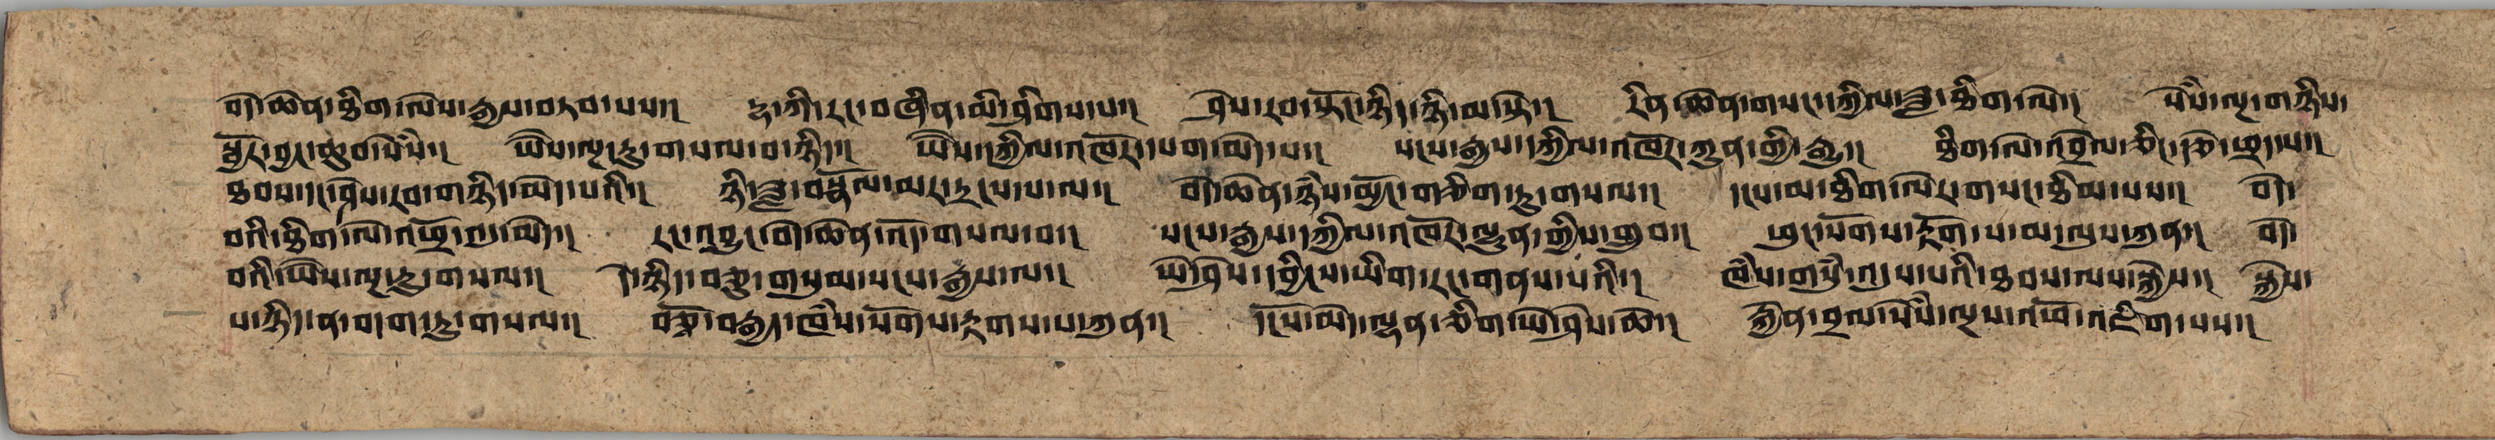བདེ་ཆེན་ཐིག་ལེས་རྒྱས་བཏབ་པས་། དྷ་ཀི་རང་བཞིན་མི་ཤིགས་པ་། ཤེས་རབ་སྟོང་ཉིད་ཉི་མ་སྟེ་། རིན་ཆེན་གསང་དཀྱིལ་ཟླ་ཐིག་ལེ་། སེཾས་ལྔ་གཉིས་
སྦྱོར་བྱང་ཆུབ་སེཾས་། ཡཻས་ལྔ་རུ་གསལ་བ་ཉིད་། ཡཻས་དཀྱིལ་འཁོར་དཔག་མེད་པ་། སངས་རྒྱས་དཀྱིལ་འཁོར་ཀུན་གྱི་རྒྱུད་། ཐིག་ལེ་འབྲེལ་ཅིང་རྩེ་ཕྲད་པ་།
ཐབས་དང་ཤེས་རབ་གཉིས་མེད་པའི་། ཉི་ཟླ་བསྣོལ་མར་དྲངས་པ་ལ་། བདེ་ཆེན་ཉཾས་མྱོང་གཅིག་ཏུ་གསལ་། དངས་མ་ཐིག་ལེར་གསང་ཐིམ་པས་། བདེ་
བའི་ཐིག་ལེ་འཕྲོ་འདུ་མེད་། རང་འབྱུང་བདེ་ཆེན་འོད་གསལ་བ་། སངས་རྒྱས་དཀྱིལ་འཁོར་ལྷུན་གྱིས་གྲུབ་། ཕུང་སོགས་རྟོག་པ་མ་ལུས་ཀུན་། བདེ་
བའི་ཡཻས་ལྔ་རུ་གསལ་། དེ་ཉིད་བཅུ་གསུམ་སངས་རྒྱས་ལ་། ཡེ་ཤེས་དབྱིངས་ཡིག་རང་གནས་པའི་། ཁཾས་གསུཾ་འདུས་པའི་ཐབས་ལས་སྐྱེས་། སྐྱེས་
ས་ཉིད་ན་བདག་ཏུ་གསལ་། བཅྭོ་བརྒྱད་ཁཾས་སོགས་རྟགས་པ་ཀུན་། དངོས་མེད་ལྷན་ཅིག་ཡེ་ཤེས་ཆེ་། རྐྱེན་བྲལ་སེཾས་ལྔས་འཕོ་འཇིག་པས་།